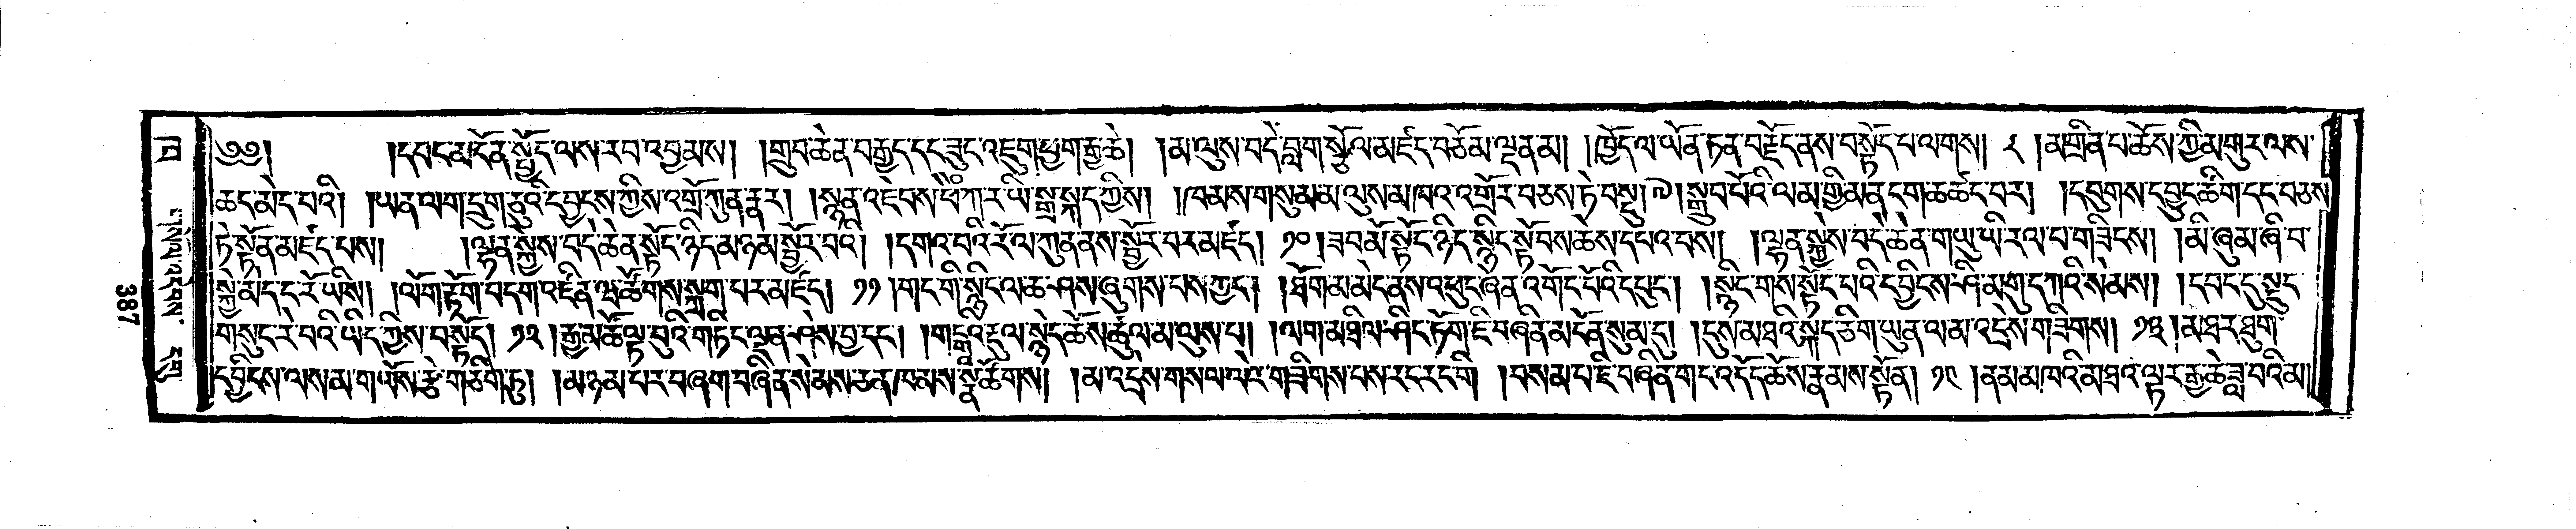༄༅། །དབང་མངོན་སྤྱོད་ལས་རབ་འབྱམས། །གྲུབ་ཆེན་བརྒྱད་དང་ཟུང་འཇུག་ཕྱག་རྒྱ་ཆེ། །མ་ལུས་བདེ་བླག་སྩོལ་མཛད་བཅོམ་ལྡན་མ། །ཁྱོད་ལ་ཡོན་ཏན་བརྗོད་ནས་བསྟོད་པ་ལགས། ༨་།མགྲིན་པ་ཆོས་ཀྱི་མགུར་ལས་
ཆད་མེད་པའི། །ཡན་ལག་དྲུག་ཅུའི་དབྱངས་ཀྱིས་འགྲོ་ཀུན་རྣར། །སྙན་འཇེབས་ཕཻཾ་ཀ་ར་ཡི་སྒྲ་སྐད་ཀྱིས། །ཁམས་གསུམ་མ་ལུས་མཁའ་འགྲོར་བཅས་ཏེ་བསྡུ། ༩་།སྒྲུབ་པོའི་ལམ་གྱི་མན་ངག་ཆ་ཚང་བར། །དབུགས་དབྱུང་ཚིག་དང་བཅས་
ཏེ་སྟོན་མཛད་པས། །ལྷན་སྐྱེས་བདེ་ཆེན་སྟོང་ཉིད་མཉམ་སྦྱོར་བའི། །དགའ་བའི་རོ་ལ་ཀུན་ནས་སྦྱོར་བར་མཛད། །༡༠་།ཟབ་མོ་སྟོང་ཉིད་སྙིང་སྟོབས་ཆེས་དཔའ་བས། །ལྷན་སྐྱེས་བདེ་ཆེན་གཡུ་ཡི་རལ་པ་གཟིངས། །མི་ཞུམ་ཞི་བ་
སྐྱེ་མེད་ང་རོ་ཡིས། །ལོག་རྟོག་བདག་འཛིན་ཝ་ཚོགས་སྐྲག་པར་མཛད། ༡༡་།གང་གི་སྙིད་ལ་ཆ་ཤས་ཞུགས་པས་ཀྱང་། །ཐོག་མ་མེད་ནས་འཕུང་ཞེན་འགོང་པོའི་དཔུང་། །སྙིང་གས་སྟོང་པའི་དབྱིངས་ཤི་མགུ་དཀའི་སེམས། །དབང་དུ་སྡུང་
གསུང་རེ་བའི་ཡིད་ཀྱིས་བསྟོད། ༡༢་།རྒྱ་མཚོ་ལྟ་བུའི་གཏིང་ལྡན་ཤེས་བྱ་དང་། །གངྒཱའི་རྡུལ་སྙེད་ཆོས་ཚུལ་མ་ལུས་པ། །ལག་མཐིལ་ཤིང་ཏོག་ཇི་བཞིན་མངོན་སུམ་དུ། །དུས་མཐའི་སྐད་ཅིག་ཡུན་ལམ་འདྲེས་གཟིགས། ༡༣་།མཐར་ཐུག་
དབྱིངས་ལས་མ་གཡོས་རྩེ་གཅིག་ཏུ། །མཉམ་པར་བཞག་བཞིན་སེམས་ཅན་ཁམས་སྣ་ཚོགས། །མ་འདྲེས་གསལ་ལེར་གཟིགས་པས་རང་རང་གི །བསམ་པ་ཇི་བཞིན་གང་འདོད་ཆོས་རྣམས་སྟོན། ༡༤་།ནམ་མཁའི་མཐའ་ལྟར་རྒྱ་ཆེ་ཟླ་བའི་མ།